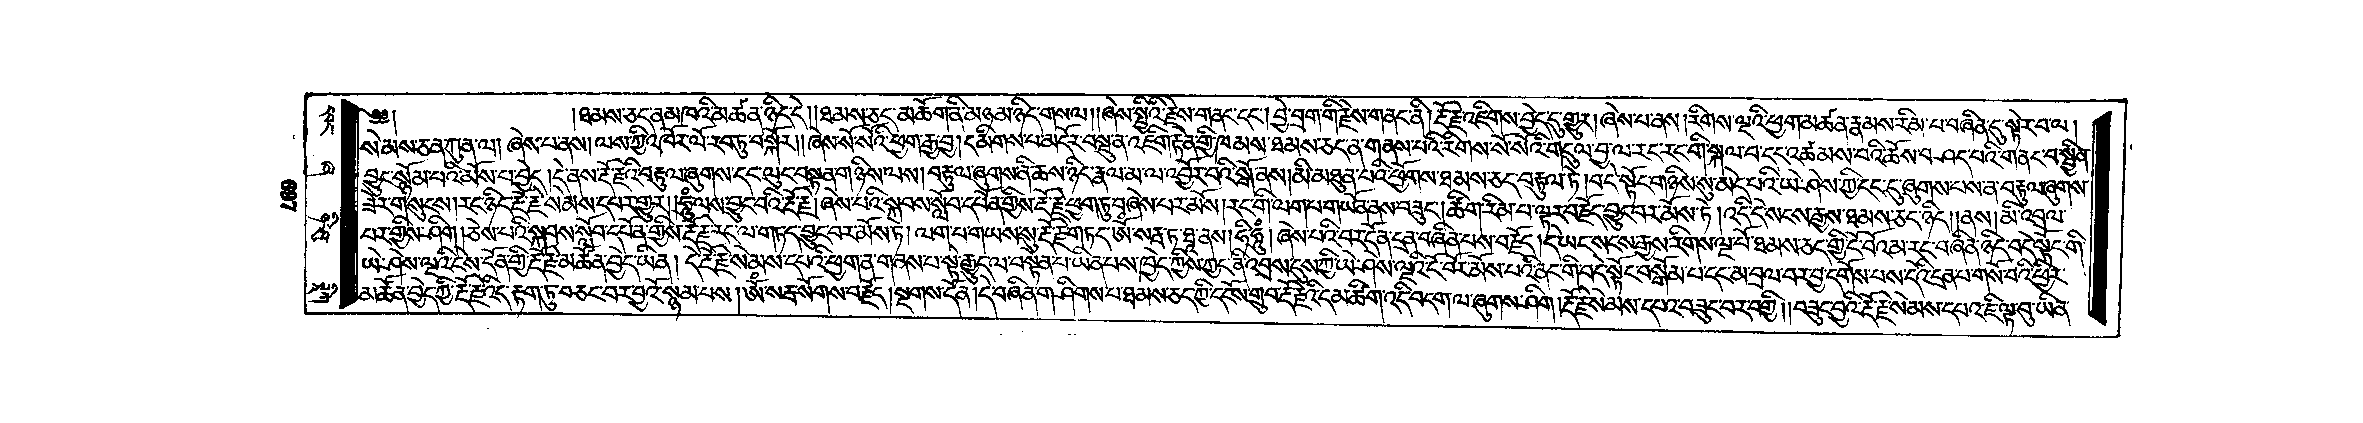༄༅། །ཐམས་ཅད་ནམ་མཁའི་མཚན་ཉིད་དེ། །ཐམས་ཅད་མཆོག་ནི་མཉམ་ཉིད་གསལ། །ཞེས་སྤྱིའི་རྗེས་གནང་དང་། བྱེ་བྲག་གི་རྗེས་གནང་ནི། རྡོ་རྗེ་འཇིགས་བྱེད་དུ་གྱུར། ཞེས་པ་ནས། རིགས་ལྔའི་ཕྱག་མཚན་རྣམས་རིམ་པ་བཞིན་དུ་སྟེར་བ་ལ།
སེམས་ཅན་ཀུན་ལ། ཞེས་པ་ནས། ལས་ཀྱི་འཁོར་ལོ་རབ་ཏུ་བསྐོར། །ཞེས་སོ་སོའི་ཕྱག་རྒྱ་བྱ། དམིགས་པ་མདོར་བསྡུ་ན་འཇིག་རྟེན་གྱི་ཁམས་ཐམས་ཅད་ན་གནས་པའི་རིགས་སོ་སོའི་གདུལ་བྱ་ལ་རང་རང་གི་སྐལ་བ་དང་འཚམས་པའི་ཆོས་བཤད་པའི་གནང་བ་སྦྱིན་
བྱུང་སྙོམ་པའི་མོས་པ་བྱེད། དེ་ནས་རྡོ་རྗེའི་བརྟུལ་ཞུགས་དང་ལུང་བསྟན་གཉིས་ལས། བརྟུལ་ཞུགས་ནི་ཆས་ཉིད་རྣལ་མ་ལ་འབྱོར་བའི་སྒོ་ནས། མི་མཐུན་པའི་ཕྱོགས་ཐམས་ཅད་བརྟུལ་ཏེ། བདེ་སྟོང་གཉིས་སུ་མེད་པའི་ཡེ་ཤེས་ཀྱི་དང་དུ་ཞུགས་པས་ན་བརྟུལ་ཞུགས་
ཟེར་གསུངས། རང་ཉིད་རྡོ་རྗེ་སེམས་དཔར་གྱུར། །ཧཱུཾ་ལས་བྱུང་བའི་རྡོ་རྗེ། ཞེས་པའི་སྐབས་སློབ་དཔོན་གྱིས་རྡོ་རྗེ་ཕྱག་ཏུ་བཞེས་པར་མོས། །རང་གི་ལག་པ་གཡོན་ནས་བཟུང་། ཚིག་རིམ་པ་ལྟར་བརྗོད་བྱུང་བར་མོས་ཏེ། འདི་དེ་སངས་རྒྱས་ཐམས་ཅད་ཉིད། །ནས། མི་འབྲལ་
པར་གྱིས་ཤིག །ཅེས་པའི་སྐབས་སློབ་དཔོན་གྱིས་རྡོ་རྗེ་རང་ལ་གཏད་བྱུང་བར་མོས་ཏེ། ལག་པ་གཡས་སུ་རྡོ་རྗེ་གཏད་ཨོཾ་སརྦ་ཏ་ཐཱ་ནས། ཧི་ཧཱུཾ། ཞེས་པའི་བར་དོན་དྲན་བཞིན་པས་བརྗོད། དེ་ཡང་སངས་རྒྱས་རིགས་ལྔ་པོ་ཐམས་ཅད་གྱི་ངོ་བོའམ་རང་བཞིན་ཉིད་བདེ་སྟོང་གི་
ཡེ་ཤེས་ལྔའི་ངེས་དོན་གྱི་རྡོ་རྗེ་མཚོན་བྱེད་ཡིན། དེ་རྡོ་རྗེ་སེམས་དཔའི་ཕྱག་ན་གནས་པ་སྟེ་རྒྱུད་ལ་བསྟེན་པ་ཡིན་པས་ཁྱེད་ཀྱིས་ཀྱང་ནི་འབྲས་དུས་ཀྱི་ཡེ་ཤེས་ལྔའི་ངོ་བོར་མོས་པའི་ནང་གི་བདེ་སྟོང་བསྒོམ་པ་དང་མ་བྲལ་བར་བྱ་དགོས་པས་དེའི་དྲན་པ་གསོ་བའི་ཕྱིར་
མཚོན་བྱེད་ཀྱི་རྡོ་རྗེ་འདི་རྟག་ཏུ་བཅང་བར་བྱའོ་སྙམ་པས། ཨོཾ་སརྦ་སོགས་བརྗོད། སྔགས་དོན། དེ་བཞིན་གཤིགས་པ་ཐམས་ཅད་ཀྱི་དངོས་གྲུབ་རྡོ་རྗེའི་དམ་ཚིག་འདི་བདག་ལ་ཞུགས་ཤིག །རྡོ་རྗེ་སེམས་དཔའ་བཟུང་བར་བགྱི། །བཟུང་བྱའི་རྡོ་རྗེ་སེམས་དཔའ་ཇི་ལྟ་བུ་ཡིན་